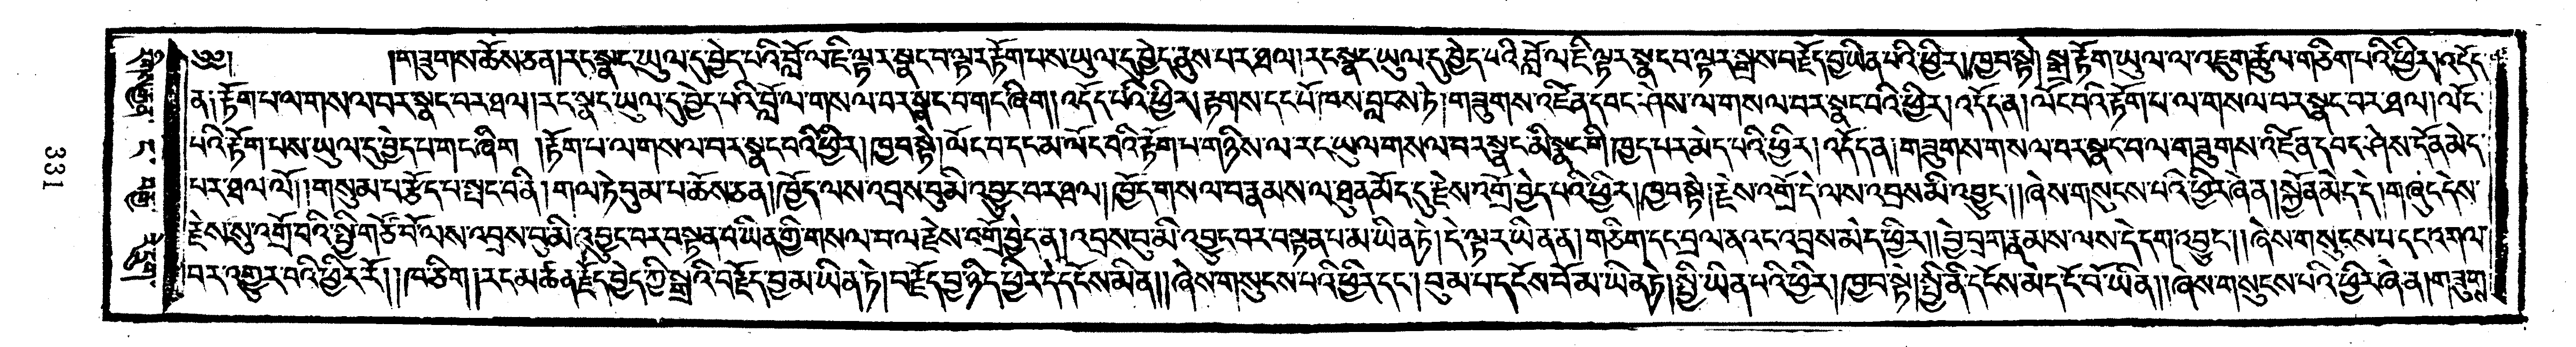༄༅། །གཟུགས་ཆོས་ཅན། རང་སྣང་ཡུལ་དུ་བྱེད་པའི་བློ་ལ་ཇི་ལྟར་སྣང་བ་ལྟར་རྟོག་པས་ཡུལ་དུ་བྱེད་ནུས་པར་ཐལ། རང་སྣང་ཡུལ་དུ་བྱེད་པའི་བློ་ལ་ཇི་ལྟར་སྣང་བ་ལྟར་སྒྲས་བརྗོད་བྱ་ཡིན་པའི་ཕྱིར། ཁྱབ་སྟེ། སྒྲ་རྟོག་ཡུལ་ལ་འཇུག་ཡུལ་ལ་འཇུག་ཚུལ་གཅིག་པའི་ཕྱིར། འདོད་
ན༑ རྟོག་པ་ལ་གསལ་བར་སྣང་བར་ཐལ། རང་སྣང་ཡུལ་དུ་བྱེད་པའི་བློ་ལ་གསལ་བར་སྣང་བ་གང་ཞིག །འདོད་པའི་ཕྱིར། རྟགས་དང་པོ་ཁས་བླངས་ཏེ། གཟུགས་འཛིན་དབང་ཤེས་ལ་གསལ་བར་སྣང་བའི་ཕྱིར། འདོད་ན། ལོང་བའི་རྟོག་པ་ལ་གསལ་བར་སྣང་བར་ཐལ། ལོང་
བའི་རྟོག་པས་ཡུལ་དུ་བྱེད་པ་གང་ཞིག །རྟོག་པ་ལ་གསལ་བར་སྣང་བའི་ཕྱིར། ཁྱབ་སྟེ། ལོང་བ་དང་མ་ལོང་བའི་རྟོག་པ་གཉིས་ལ་རང་ཡུལ་གསལ་བར་སྣང་མི་སྣང་གི་ཁྱད་པར་མེད་པའི་ཕྱིར། འདོད་ན། གཟུགས་གསལ་བར་སྣང་བ་ལ་གཟུགས་འཛིན་དབང་ཤེས་དོན་མེད་
པར་ཐལ་ལོ། །གསུམ་པ་རྩོད་པ་སྤོང་བ་ནི། གལ་ཏེ་བུམ་པ་ཆོས་ཅན། ཁྱོད་ལས་འབྲས་བུ་མི་འབྱུང་བར་ཐལ། ཁྱོད་གསལ་བ་རྣམས་ལ་ཐུན་མོང་དུ་རྗེས་འགྲོ་བྱེད་པའི་ཕྱིར། ཁྱབ་སྟེ། རྗེས་འགྲོ་དེ་ལས་འབྲས་མི་འབྱུང་། །ཞེས་གསུངས་པའི་ཕྱིར་ཞེ་ན། སྐྱོན་མེད་དེ། གཞུང་དེས་
རྗེས་སུ་འགྲོ་བའི་སྤྱི་གཙོ་བོ་ལས་འབྲས་བུ་མི་འབྱུང་བར་བསྟན་པ་ཡིན་གྱི་གསལ་བ་ལ་རྗེས་འགྲོ་བྱེད་ན། འབྲས་བུ་མི་འབྱུང་བར་བསྟན་པ་མ་ཡིན་ཏེ། དེ་ལྟར་ཡིན་ན། གཅིག་དང་བྲལ་ནའང་འབྲས་མེད་ཕྱིར། །བྱེ་བྲག་རྣམས་ལས་དེ་དག་འབྱུང་། །ཞེས་གསུངས་པ་དང་འགལ་
བར་འགྱུར་བའི་ཕྱིར་རོ། །ཁ་ཅིག །རང་མཚན་རྗོད་བྱེད་ཀྱི་སྒྲའི་བརྗོད་བྱ་མ་ཡིན་ཏེ། བརྗོད་བྱ་ཉིད་ཕྱིར་དེ་དངོས་མིན། །ཞེས་གསུངས་པའི་ཕྱིར་དང་། བུམ་པ་དངོས་པོ་མ་ཡིན་ཏེ། སྤྱི་ཡིན་པའི་ཕྱིར། ཁྱབ་སྟེ། སྤྱི་ནི་དངོས་མེད་ངོ་བོ་ཡིན། །ཞེས་གསུངས་པའི་ཕྱིར་ཞེ་ན། གཟུགས་